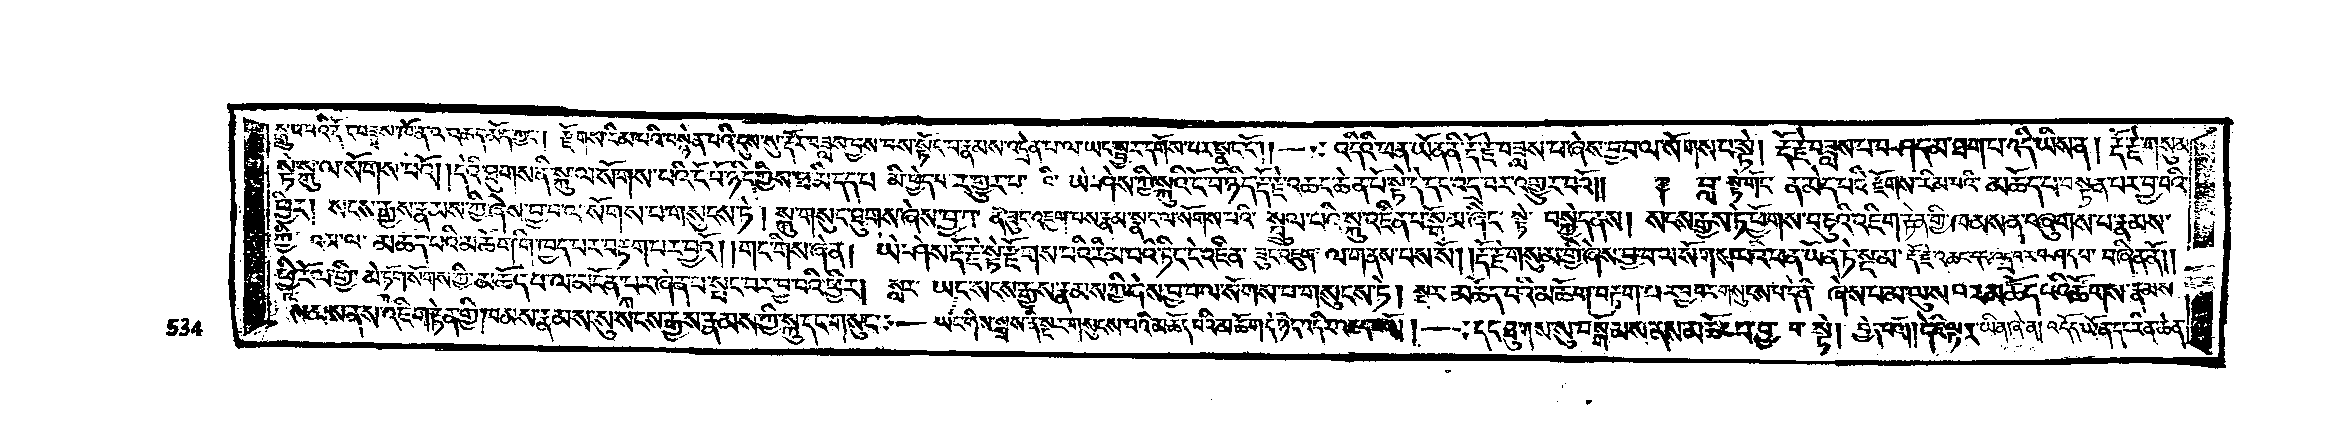སྒྲུབ་པའི་རྡོར་བཟླས་ཁོ་ན་ལ་འཆད་མོད་ཀྱང་། རྫོགས་རིམ་པའི་བསྙེན་པའི་དུས་སུ་རྡོར་བཟླས་བྱས་པས་སྟོང་པ་རྣམས་འདྲེན་པ་ལ་ཡང་སྦྱར་དགོས་པར་སྣང་ངོ།། .Hའདིའི་ཕན་ཡོན་ནི་རྡོ་རྗེ་བཟླས་པ་ཞེས་བྱ་བ་ལ་སོགས་པ་སྟེ། རྡོ་རྗེ་བཟླས་པ་བཤད་མ་ཐག་པ་འདི་ཡིས་ན། རྡོ་རྗེ་གསུམ་
སྟེ་སྐུ་ལ་སོགས་པའོ། །དེའི་ཐུགས་ནི་སྐུ་ལ་སོགས་པའི་ངོ་བོ་ཉིད་ཀྱིས་ཐ་མི་དད་པ་མི་ཕྱེད་པར་གྱུར་པའི་ཡེ་ཤེས་ཀྱི་སྐུའི་ངོ་བོ་ཉིད་རྡོ་རྗེ་འཆང་ཆེན་པོ་སྟ་དེ་དང་འདྲ་བར་འགྱུར་བའོ།། ༈ བླ་སྟེ་གོང་ན་མེད་པའི་རྫོགས་རིམ་པའི་མཆོད་པ་རྫོགས་པར་བྱ་བའི་
ཕྱིར། སངས་རྒྱས་རྣམས་ཀྱི་ཞེས་བྱ་བ་ལ་སོགས་པ་གསུངས་ཏེ། སྐུ་གསུང་ཐུགས་ཞེས་བྱ་བ་ནི་ཟུང་འཇུག་པས་རྣམ་སྣང་ལ་སོགས་པའི་སྤྲུལ་པའི་སྐུ་འཛིན་པ་སྒོམ་ཞིང་སྟེ་བསྐྱེད་ནས། སངས་རྒྱས་ཏེ་ཕྱོགས་བཅུའི་འཇིག་རྟན་གྱི་ཁམས་ན་ཞུགས་པ་རྣམས་
ཀྱི་འམ་ལ་མཆོད་པའི་མཆོག་གི་ཁྱད་པར་བརྟག་པར་བྱའོ། །གང་གིས་ཞེ་ན། ཡེ་ཤེས་རྡོ་རྗེ་སྟེ་རྫོགས་པའི་རིམ་པའི་ཏིང་ངེ་འཛིན་ཟུང་འཇུག་ལ་གནས་པས་སོ། །རྡོ་རྗེ་གསུམ་གྱི་ཞེས་བྱ་བ་ལ་སོགས་པའི་ཕན་ཡོན་ཏེ་སྔ་མ་རྡོ་རྗེ་འཆང་དང་ལྡན་པ་?་བཤད་པ་བཞིན་ནོ།།
ཕྱི་རོལ་གྱི་མེ་ཏོག་སོགས་ཀྱི་མཆོད་པ་ལ་མངོན་པར་ཞེན་པ་སྤང་བར་བྱ་བའི་ཕྱིར། སླར་ཡང་སངས་རྒྱས་རྣམས་ཀྱི་ཞེས་བྱ་བ་ལ་སོགས་པ་གསུངས་ཏེ། སྔར་མཆོད་པའི་མཆོག་བརྟག་པར་བྱ་བར་དབྱངས་པ་དེ་ནི་ཞེས་པ་མ་ལུས་པར་མཆོད་པའི་ཚོགས་རྣམས་
ཁ་བསམས་ནས་ཀ་འཇིག་རྟེན་གྱི་ཁམས་རྣམས་སུ་ཀ་སངས་རྒྱས་རྣམས་ཀྱི་སྐུ་དང་གསུངཿ་ཡང་གིས་སྒྲས་ནི་སྔར་གསུངས་པའི་མཆོད་པའི་མཆོག་དེ་ཉིད་འདིར་འཆད་པའོ།།  .Hདང་ཐུགས་སུ་བསྒོམས་ནས་མཚོལ་བྱ་བ་སྟེ། བྱེད་པའོ། །དེ་ཇི་ལྟར་ཡིན་ནོ། །འདོད་ཡོན་དང་རིན་ཆེན་